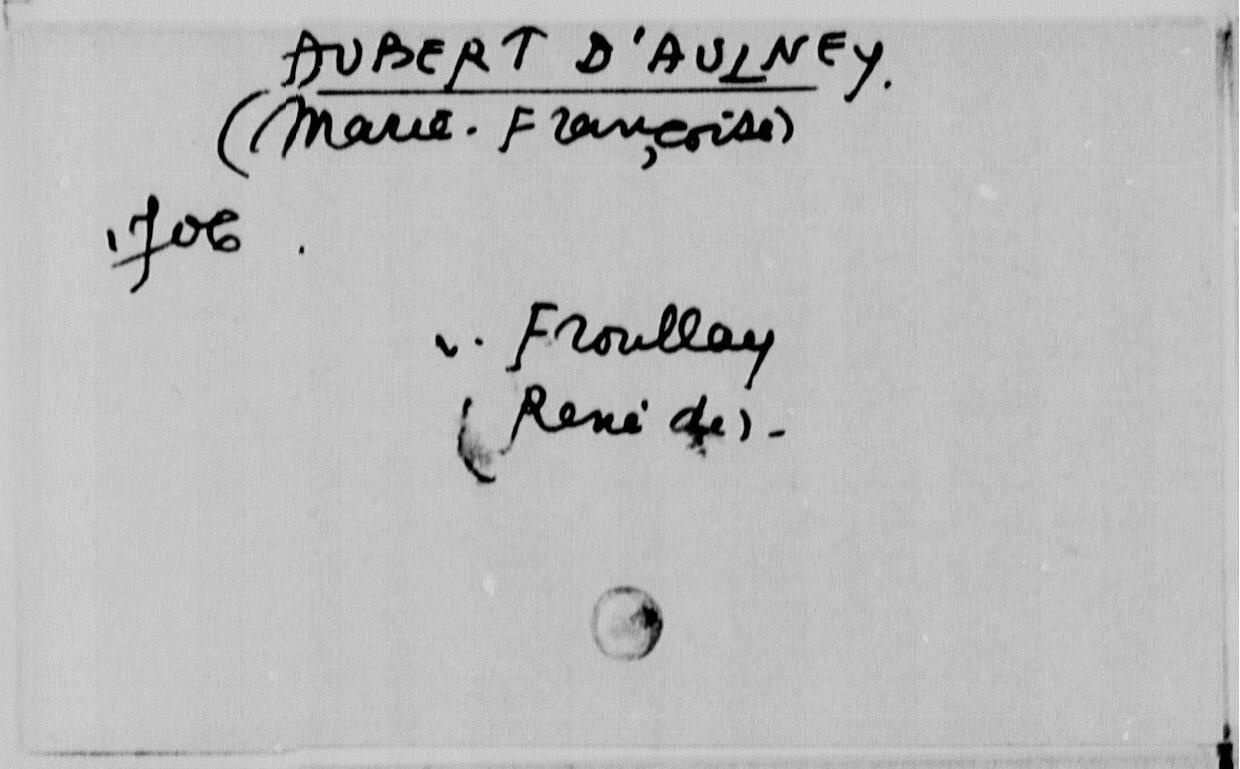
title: AUBERT D'AULNEY (Marie-Françoise)
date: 1706
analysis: Voir FROULLAY (René de)
